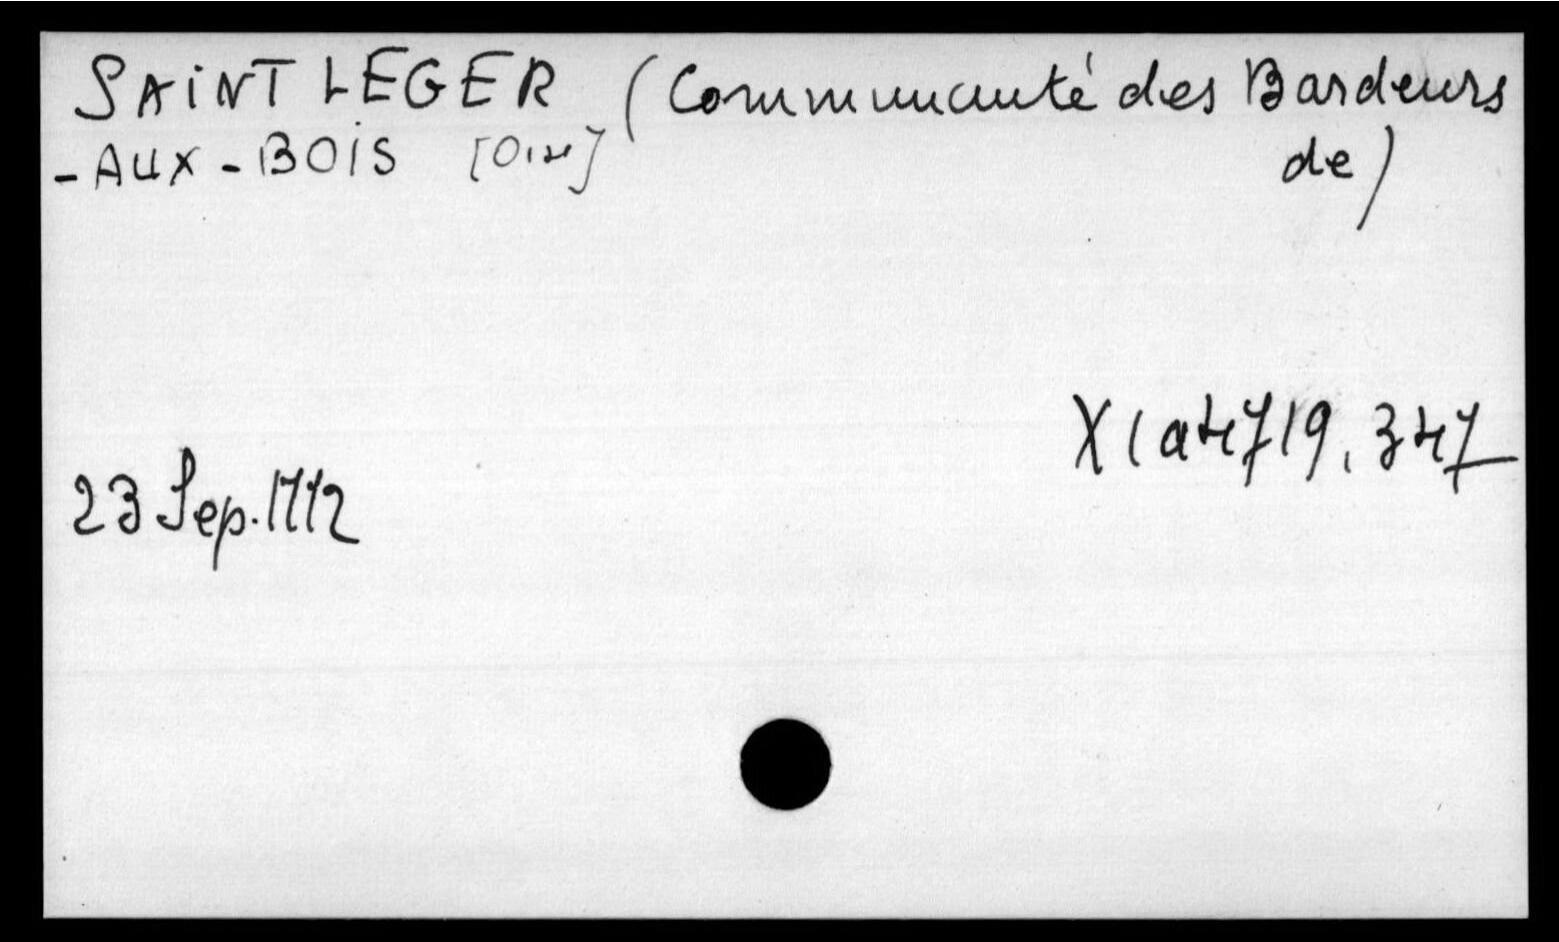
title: SAINT LÉGER (communauté des Bardeurs de) - AUX-BOIS [Oise]
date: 23 septembre 1772
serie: X1a
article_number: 4719
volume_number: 347
